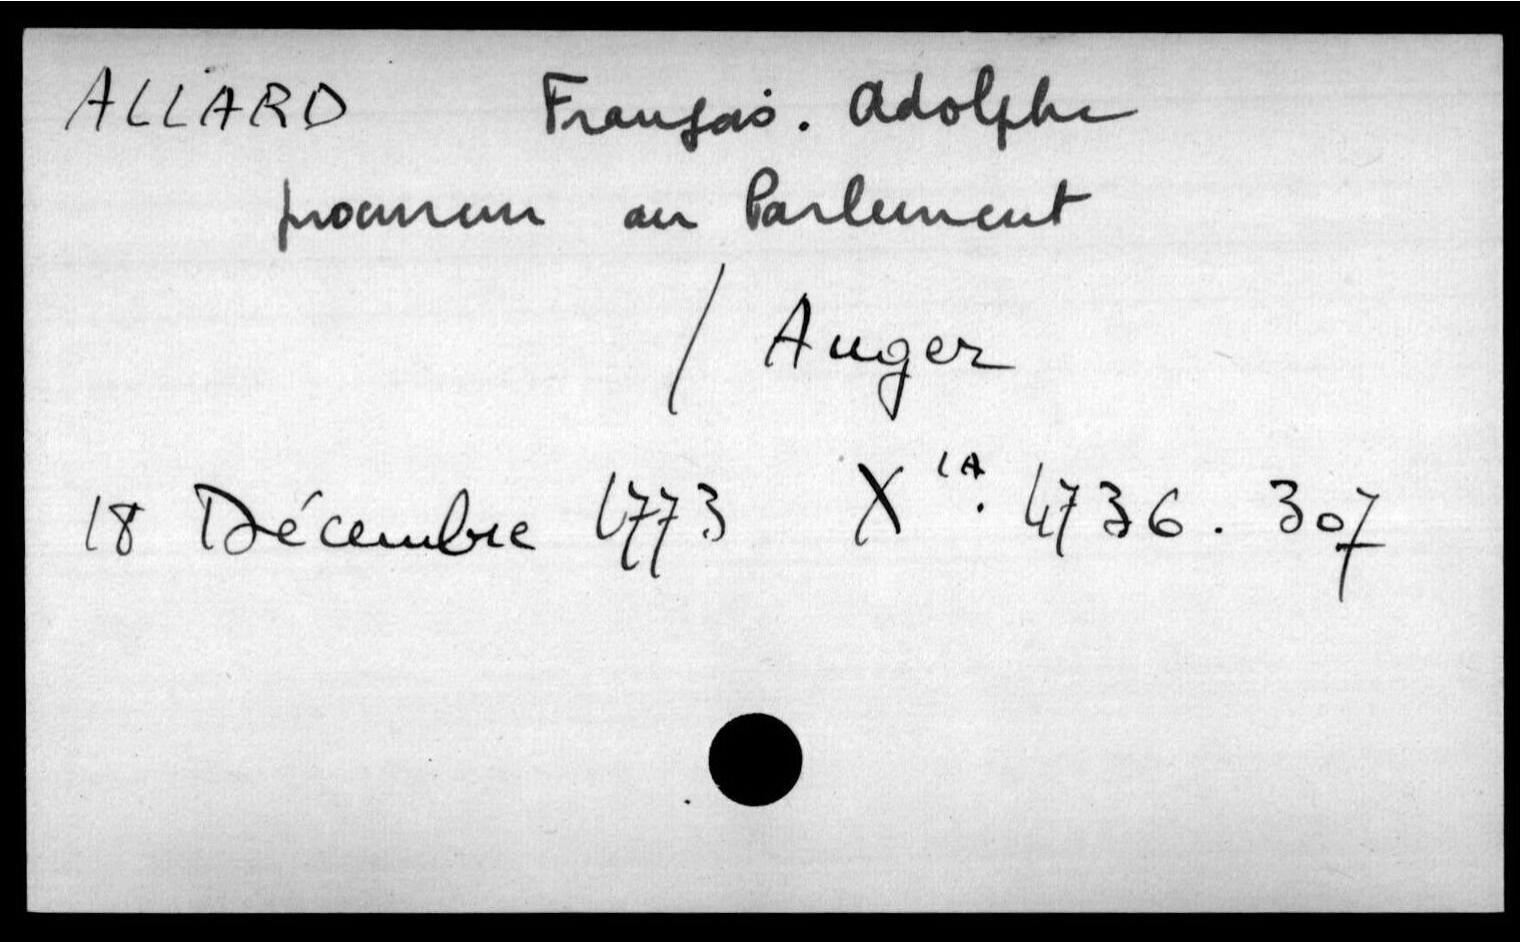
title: ALLARD François-Adolphe procureur au Parlement
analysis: Contre Auger
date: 18 décembre 1773
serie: X1A
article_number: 4736
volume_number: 307
